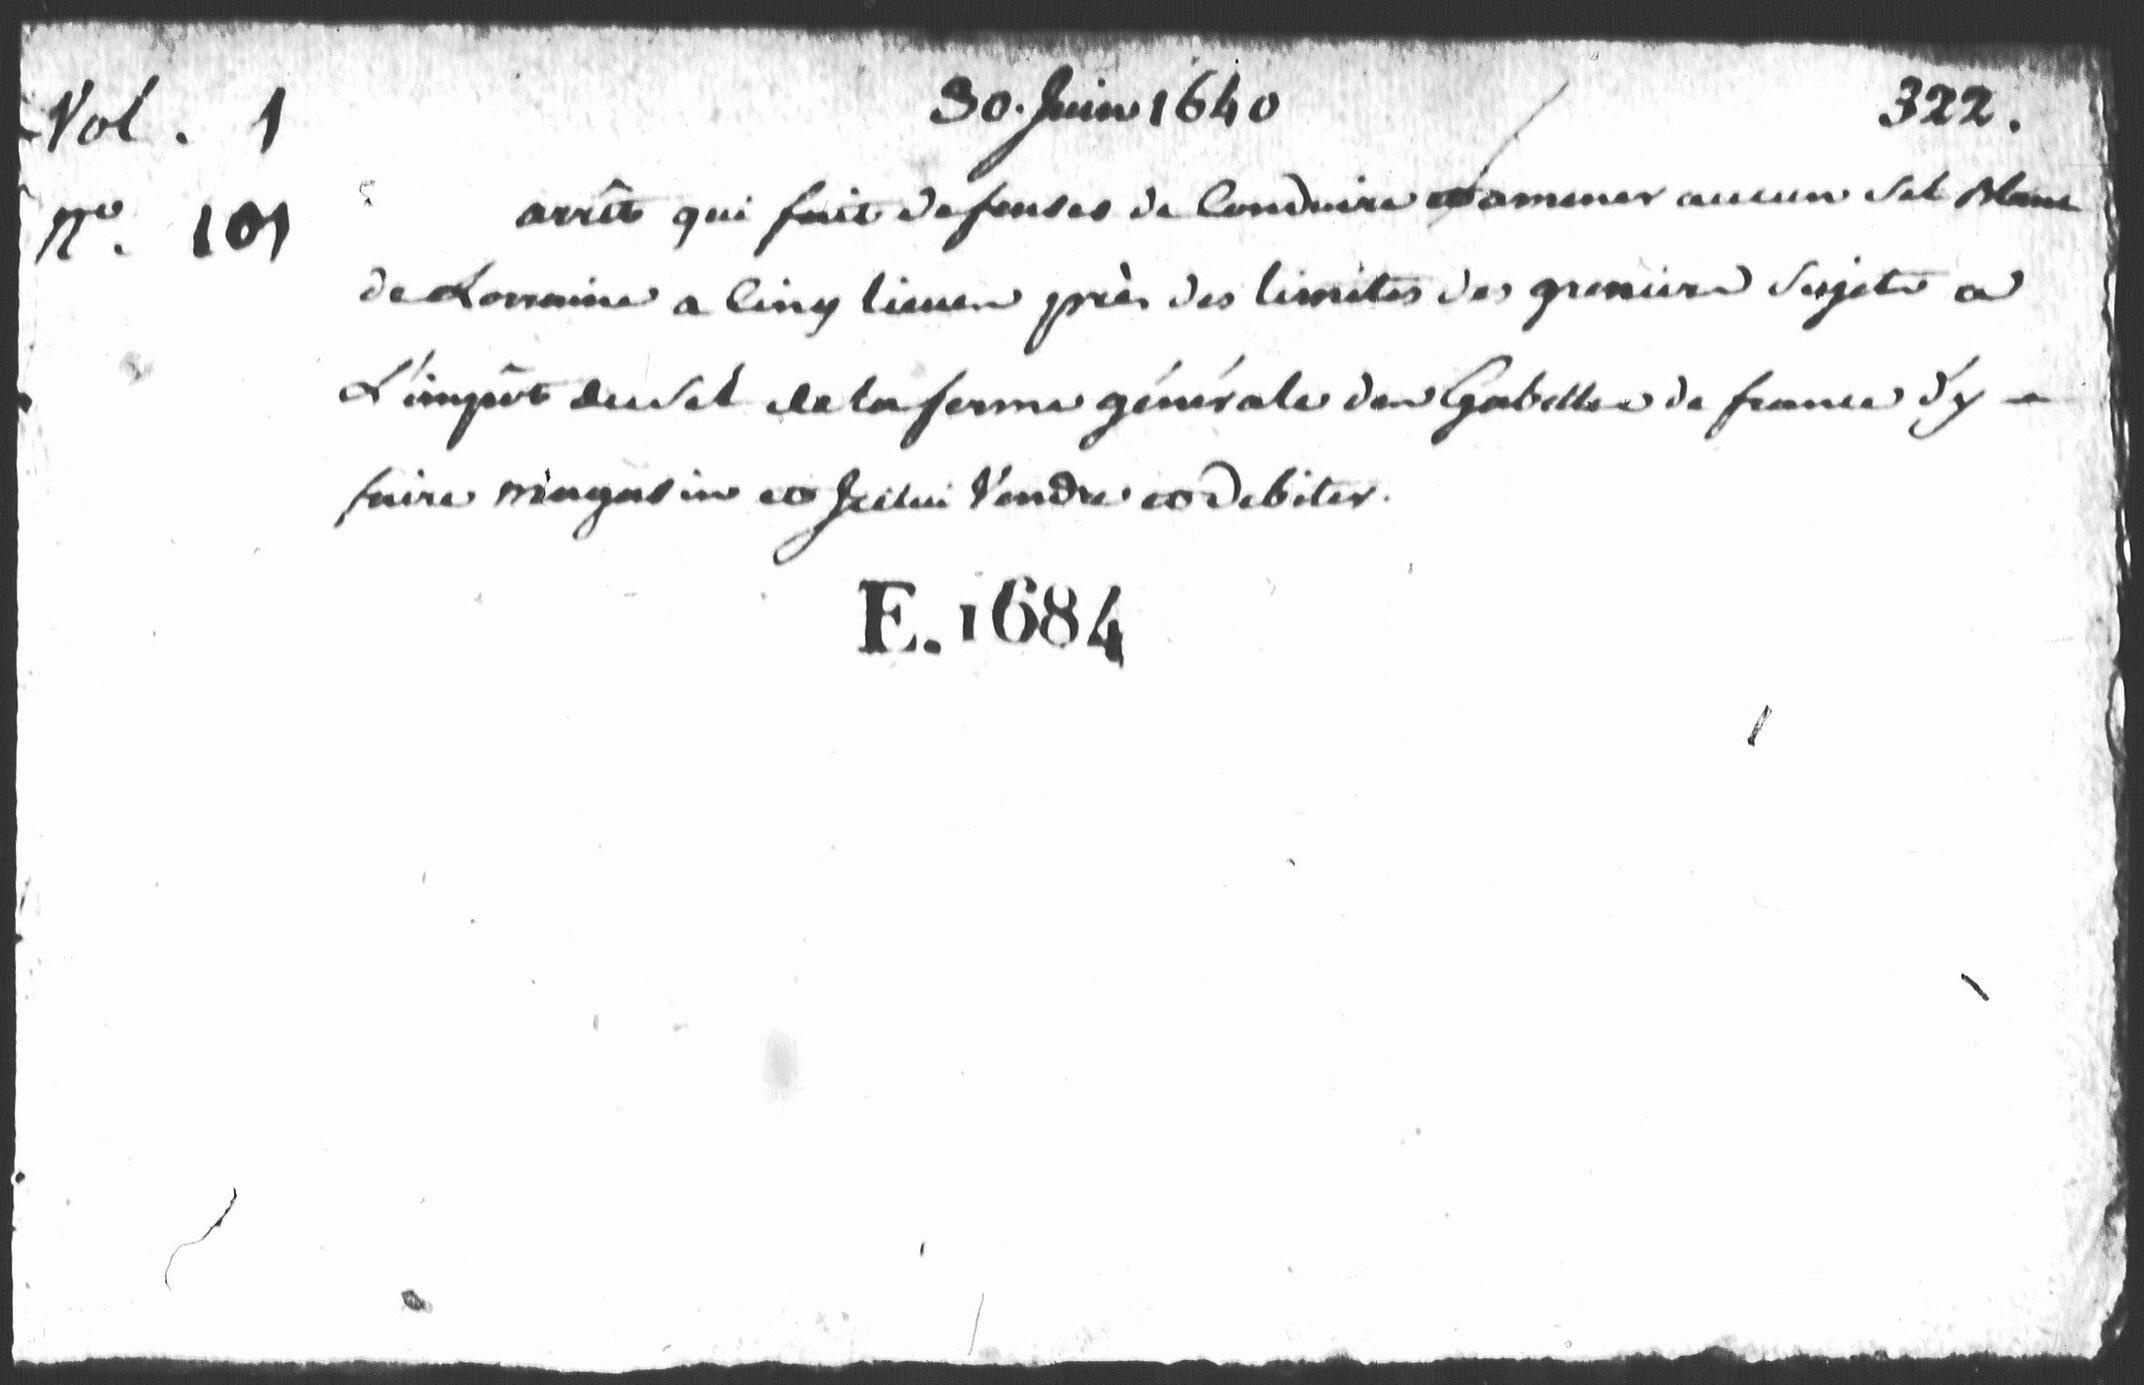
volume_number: n°101
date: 30 juin 1640
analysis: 322.
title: arrêt qui fait defenses de conduire et amener aucun sel blanc de Lorraine a cinq lieues près des limites des greniers sujets a l'impôt du sel de la ferme générale des Gabelles de france d'y faire magasin et icelui vendre et debiter.
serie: E
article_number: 1684
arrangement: vol. 1
